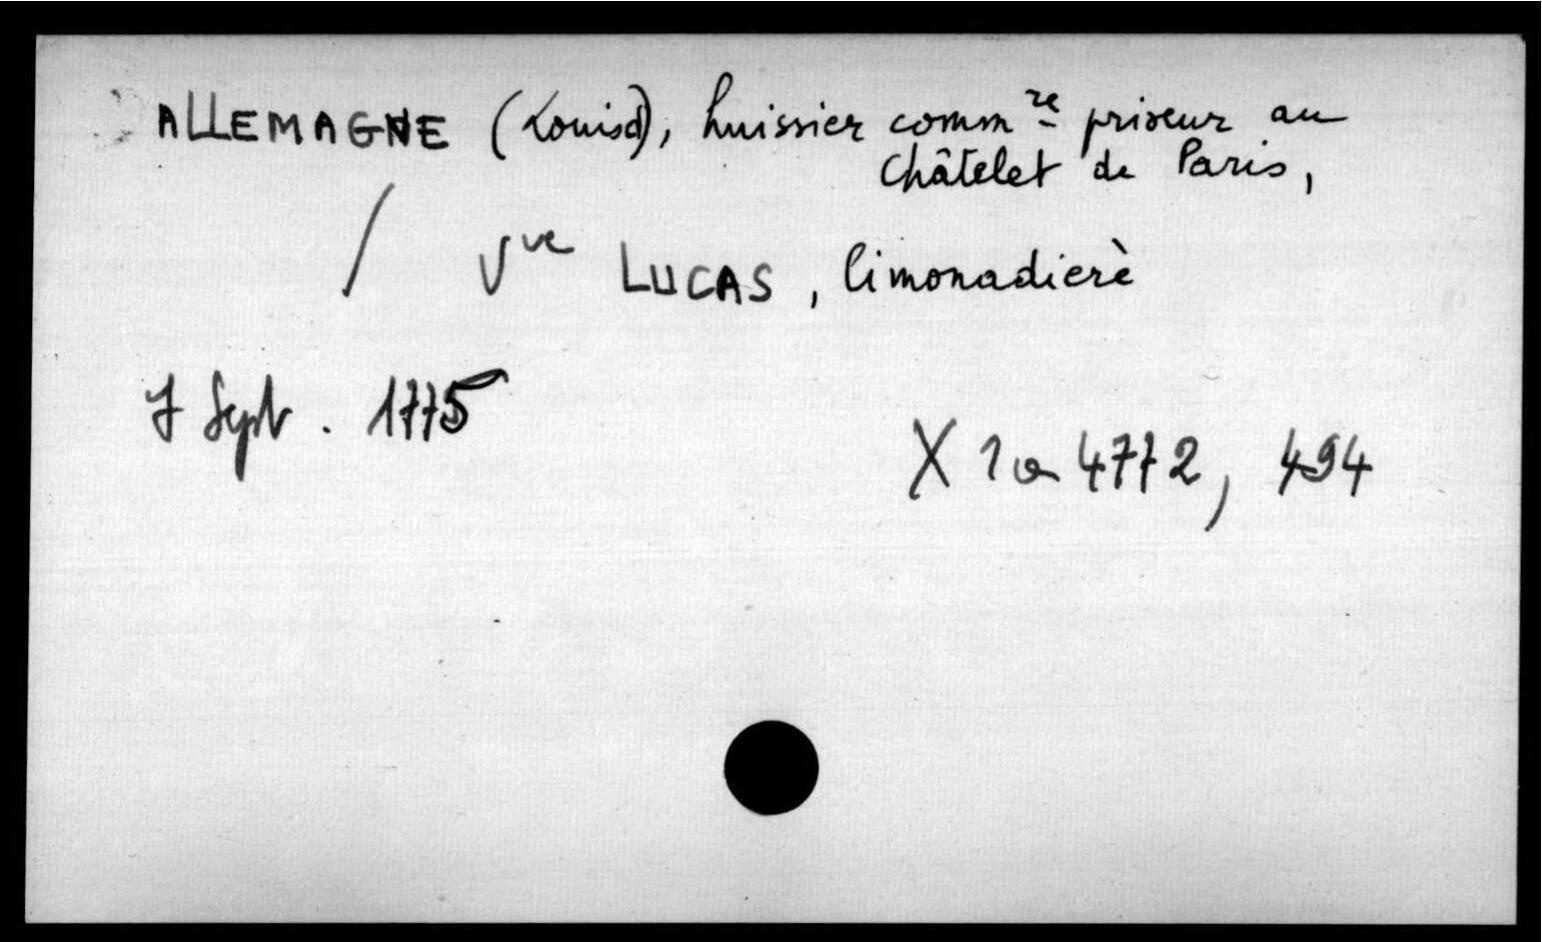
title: ALLEMAGNE (Louis), huissier commissaire priseur au Châtelet de Paris,
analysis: Contre Veuve LUCAS, limonadière
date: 7 septembre 1775
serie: X1a
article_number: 4772
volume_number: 494
